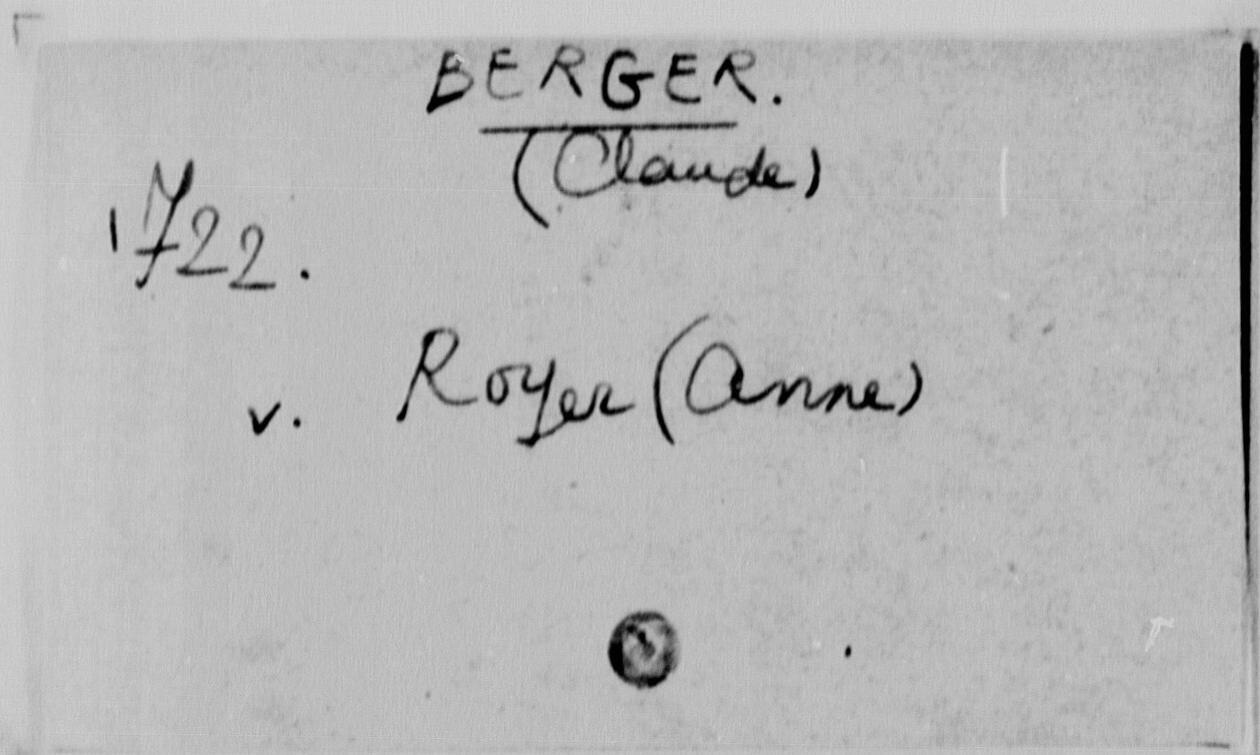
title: BERGER (Claude)
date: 1722
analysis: Voir : ROYER (Anne)
